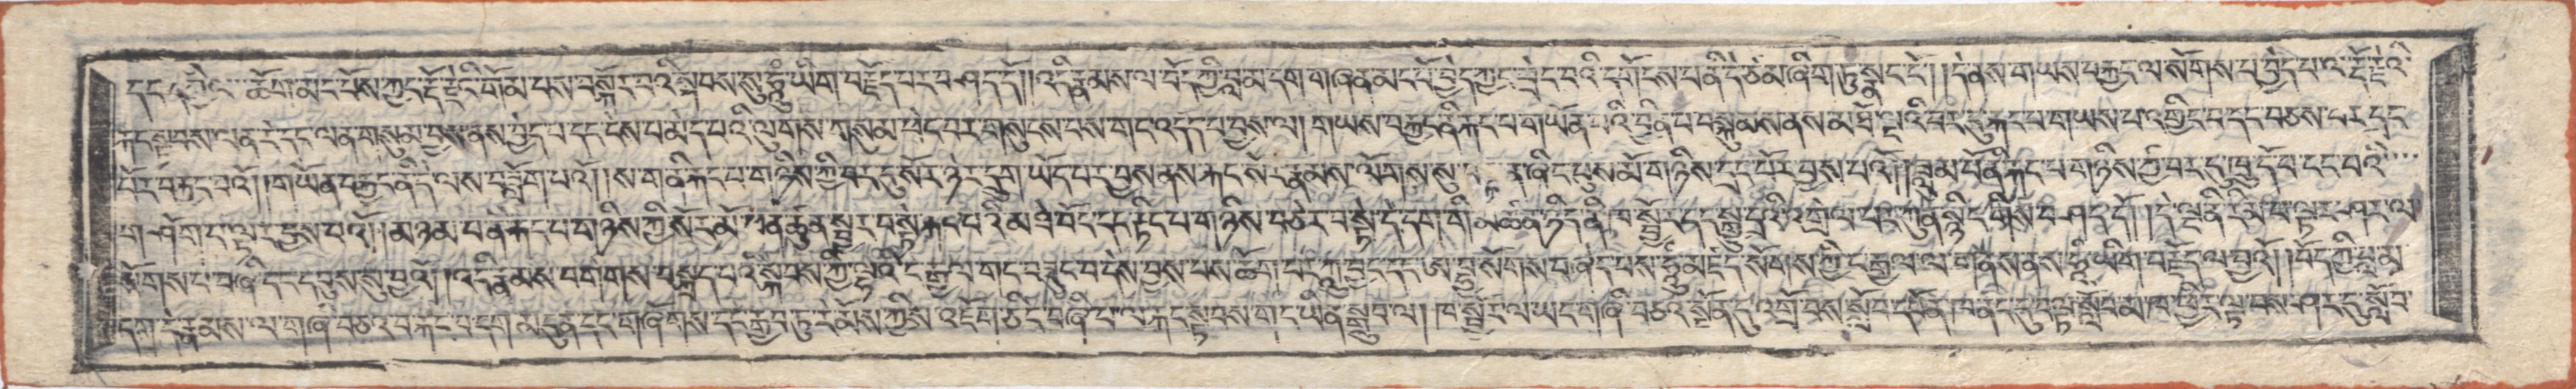དང་དཀྱིལ་ཆོག་མང་པོས་ཀྱང་རྡོ་རྗེའི་གོམ་པས་བསྐོར་བའི་སྐབས་སུ་ཧཱུཾ་ཡིག་བརྗོད་པར་བཤད་དོ། །འདི་རྣམས་ལ་བོད་ཀྱི་བླ་མ་དག་གཞན་མང་པོ་བྱེད་ཀྱང་ཕྲེང་བའི་དགོངས་པ་ནི་དེ་ཙམ་ཞིག་ཏུ་སྣང་ངོ། །དེ་ནས་གཡས་བརྐྱང་ལ་སོགས་པ་བྱེད་པ་ལ་རྡོ་རྗེའི་
རྐང་སྟབས་ལན་རེ་དང་ལན་གསུམ་བྱས་ནས་བྱེད་པ་དང་ངེས་པ་མེད་པའི་ལུགས་གསུམ་ཕྲེང་བར་གསུངས་པས་གང་འདོད་པ་བྱས་ལ། གཡས་བརྐྱང་ནི་རྐང་པ་གཡོན་པའི་བྱིན་པ་བསྐུམས་ནས་མཐོ་ལྔའི་བར་དུ་རྐང་པ་གཡས་པ་འགྱིང་བ་དང་བཅས་པར་དྲང་
པོར་བརྐྱང་པའོ། །གཡོན་བརྐྱང་ནི་དེ་ལས་བཟློག་པའོ། །ས་ག་ནི་རྐང་པ་གཉིས་ཀྱི་བར་དུ་སོར་ཉེར་དྲུག་ཡོད་པར་བྱས་ནས་རྐང་སོར་རྣམས་ལོགས་སུ་བསྟན་ཞིང་པུས་མོ་གཉིས་དྲང་པོར་བྱས་པའོ། །ཟླུམ་པོ་ནི་རྐང་པ་གཉིས་ཀྱི་བར་དུ་ཁྲུ་དོ་པ་ངང་པའི་
གཤོག་པ་ལྟར་བྱས་པའོ། །མཉམ་པ་ནི་རྐང་པ་གཉིས་ཀྱི་སོར་མོ་ཕན་ཚུན་སྦྱར་བ་སྟེ་རྐང་པའི་མཐེ་བོང་དང་རྟིང་པ་གཉིས་བཅེར་བ་སྟེ་དེ་དག་གི་མཚན་ཉིད་ནི་ཁ་སྦྱོར་དང་སྒྱུར་དྲའི་འགྲེལ་པར་ཀུན་སྙིང་གིས་བཤད་དོ། །དེ་ལྔ་ནི་རིམ་པ་ལྟར་ཤར་ལ་
སོགས་པ་བཞི་དང་དབུས་སུ་བྱའོ། །འདི་རྣམས་བགེགས་བསྐྲད་པའི་སྐབས་ཀྱི་ལྷའི་ང་རྒྱལ་གང་བཟུང་བ་དེས་བྱས་པས་ཆོག་པར་ཀླུ་བྱང་དང་ཨ་བྷྱ་སོགས་བཞེད་པས་ཧཱུཾ་མཛད་སོགས་ཀྱི་ང་རྒྱལ་ལ་གནས་ནས་ཧཱུཾ་ཡིག་བརྗོད་ལ་བྱའོ། །བོད་ཀྱི་བླ་མ་
དག་དེ་རྣམས་ལ་གཞི་བཅའ་བ་རྐང་བདག་མདུན་དང་གཞོགས་དང་རྒྱབ་ཏུ་རེ་མོས་ཀྱིས་འཇོག་ཅིང་བཞི་པ་ལ་རྐང་སྟབས་གང་ཡིན་སྒྲུབ་ལ། ཁ་སྦྱོར་ལ་ཡང་གཞི་བཅའ་སྔོན་དུ་འགྲོ་བས་སློབ་དཔོན་ཁ་ནང་དུ་བལྟ་སློབ་མ་ཁ་ཕྱིར་ལྟ་བས་ཤར་དུ་སློབ་